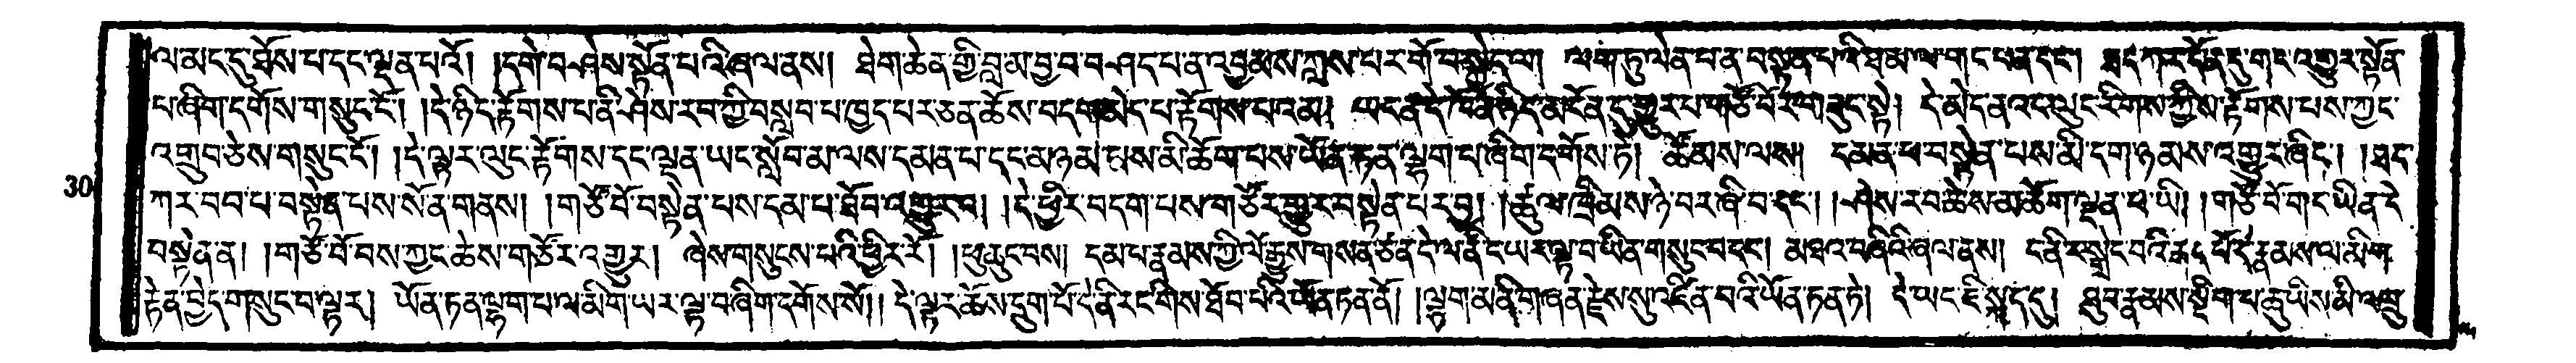ལ་མང་དུ་ཐོས་པ་དང་ལྡན་པའོ། །དགེ་བཤེས་སྟོན་པའི་ཞལ་ནས། ཐེག་ཆེན་གྱི་བླ་མ་བྱ་བ་བཤད་པ་ན་འབྱམས་ཀླས་པར་གོ་བ་སྐྱེད་ལ། ལག་ཏུ་ལེན་པ་ན་བསྟན་པའི་ཐ་མ་ལ་གང་ཕན་དང་། ཐད་ཀར་དོན་དུ་གང་འགྱུར་སྟོན་
པ་ཞིག་དགོས་གསུང་ངོ། །དེ་ཉིད་རྟོགས་པ་ནི་ཤེས་རབ་ཀྱི་བསླབ་པ་ཁྱད་པར་ཅན་ཆོས་བདག་མེད་པ་རྟོགས་པའམ། ཡང་ན་དེ་ཁོ་ན་ཉིད་མངོན་དུ་གྱུར་པ་གཙོ་བོར་གཟུང་སྟེ། དེ་མེད་ནའང་ལུང་རིགས་ཀྱིས་རྟོགས་པས་ཀྱང་
འགྲུབ་ཅེས་གསུང་ངོ། །དེ་ལྟར་ལུང་རྟོགས་དང་ལྡན་ཡང་སློབ་མ་ལས་དམན་པ་དང་མཉམ་པས་མི་ཆོག་པས་ཡོན་ཏན་ལྷག་པ་ཞིག་དགོས་ཏེ། ཚོམས་ལས། དམན་ཕ་བསྟེན་པས་མི་དག་ཉམས་འགྱུར་ཞིང་། །ཐང་
ཀར་བབ་པ་བསྟེན་པས་སོ་ན་གནས། །གཙོ་བོ་བསྟེན་པས་དམ་པ་ཐོབ་འགྱུར་བ། །དེ་ཕྱིར་བདག་པས་གཙོར་གྱུར་བསྟེན་པར་བྱ། །ཚུལ་ཁྲིམས་ཉེ་བར་ཞི་བ་དང་། །ཤེས་རབ་ཆེས་མཆོག་ལྡན་པ་ཡི། །གཙོ་བོ་གང་ཡིན་དེ་
བསྟེན་ན། །གཙོ་བོ་བས་ཀྱང་ཆེས་གཙོར་འགྱུར། ཞེས་གསུངས་པའི་ཕྱིར་རོ། །ཕུ་ཆུང་བས། དམ་པ་རྣམས་ཀྱི་ལོ་རྒྱུས་གསན་ཙན་དེ་ལ་ནི་ང་ཡར་ལྟ་བ་ཡིན་གསུང་བ་དང་། མཐའ་བཞིའི་ཞལ་ནས། ང་ནི་ར་སྒྲེང་བའི་རྒད་པོ་དེ་རྣམས་ལ་མིག་
རྟེན་བྱེད་གསུང་བ་ལྟར། ཡོན་ཏན་ལྷག་པ་ལ་མིག་ཡར་ལྟ་བ་ཞིག་དགོས་སོ།། དེ་ལྟར་ཆོས་དྲུག་པོ་དེ་ནི་རང་གིས་ཐོབ་པའི་ཡོན་ཏན་ནོ། །ལྷག་མ་ནི་གཞན་རྗེས་སུ་འཛིན་བའི་ཡོན་ཏན་ཏེ། དེ་ཡང་ཇི་སྐད་དུ། ཐུབ་རྣམས་སྡིག་པ་ཆུ་ཡིས་མི་འཁྲུ་